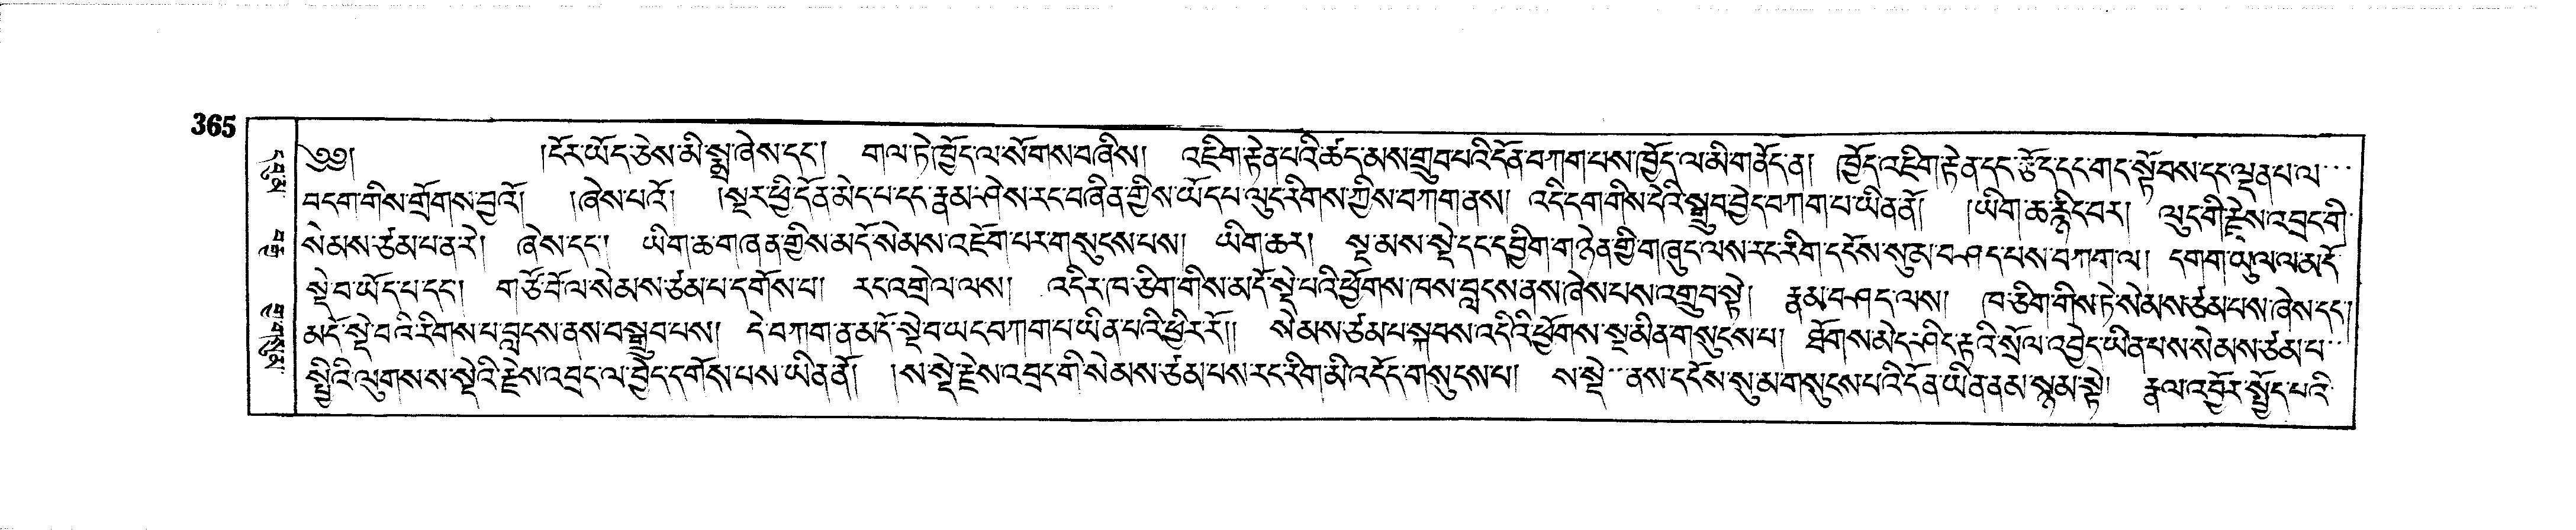༄༅། །ངོར་ཡོད་ཅེས་མི་སྨྲ་ཞེས་དང་། གལ་ཏེ་ཁྱོད་ལ་སོགས་བཞིས། འཇིག་རྟེན་པའི་ཚད་མས་གྲུབ་པའི་དོན་བཀག་པས་ཁྱོད་ལ་མི་གནོད་ན། ཁྱོད་འཇིག་རྟེན་དང་རྩོད་དང་གང་སྟོབས་དང་ལྡན་པ་ལ་
བདག་གིས་གྲོགས་བྱའོ། །ཞེས་པའོ། །སྔར་ཕྱི་དོན་མེད་པ་དང་རྣམ་ཤེས་རང་བཞིན་གྱིས་ཡོད་པ་ལུང་རིགས་ཀྱིས་བཀག་ནས། འདི་དག་གིས་དེའི་སྒྲུབ་བྱེད་བཀག་པ་ཡིན་ནོ། །ཡིག་ཆ་རྙིང་བར། ལུང་གི་རྗེས་འབྲང་གི་
སེམས་ཙམ་པ་ན་རེ། ཞེས་དང་། ཡིག་ཆ་གཞན་གྱིས་མདོ་སེམས་འཇོག་པར་གསུངས་པས། ཡིག་ཆར། སྔ་མས་སྡེ་དང་དབྱིག་གཉེན་གྱི་གཞུང་ལས་རང་རིག་དངོས་སུམ་བཤད་པས་བཀག་ལ། དགག་ཡུལ་ལ་མདོ་
སྡེ་བ་ཡོད་པ་དང་། གཙོ་བོ་ལ་སེམས་ཙམ་པ་དགོས་པ། རང་འགྲེལ་ལས། འདིར་ཁ་ཅིག་གིས་མདོ་སྡེ་པའི་ཕྱོགས་ཁས་བླངས་ནས་ཞེས་པས་འགྲུབ་སྟེ། རྣམ་བཤད་ལས། ཁ་ཅིག་གིས་ཏེ་སེམས་ཙམ་པས་ཞེས་དང་།
མདོ་སྡེ་བའི་རིགས་པ་བླངས་ནས་བསྒྲུབ་པས། དེ་བཀག་ན་མདོ་སྡེ་བ་ཡང་བཀག་པ་ཡིན་པའི་ཕྱིར་རོ། །སེམས་ཙམ་པ་སྐབས་འདིའི་ཕྱོགས་སྔ་མིན་གསུངས་པ། ཐོགས་མེད་ཤིང་རྟའི་སྲོལ་འབྱེད་ཡིན་པས་སེམས་ཙམ་པ་
སྤྱིའི་ལུགས་སྡེའི་རྗེས་འབྲང་ལ་བྱེད་གོས་པས་ཡིན་ནོ། །ས་སྡེ་རྗེས་འབྲང་གི་སེམས་ཙམ་པས་རང་རིག་མི་འདོད་གསུངས་པ། ས་སྡེ་ནས་དངོས་སུ་མ་གསུངས་པའི་དོན་ཡིན་ནམ་སྙམ་སྟེ། རྣལ་འབྱོར་སྤྱོད་པའི་